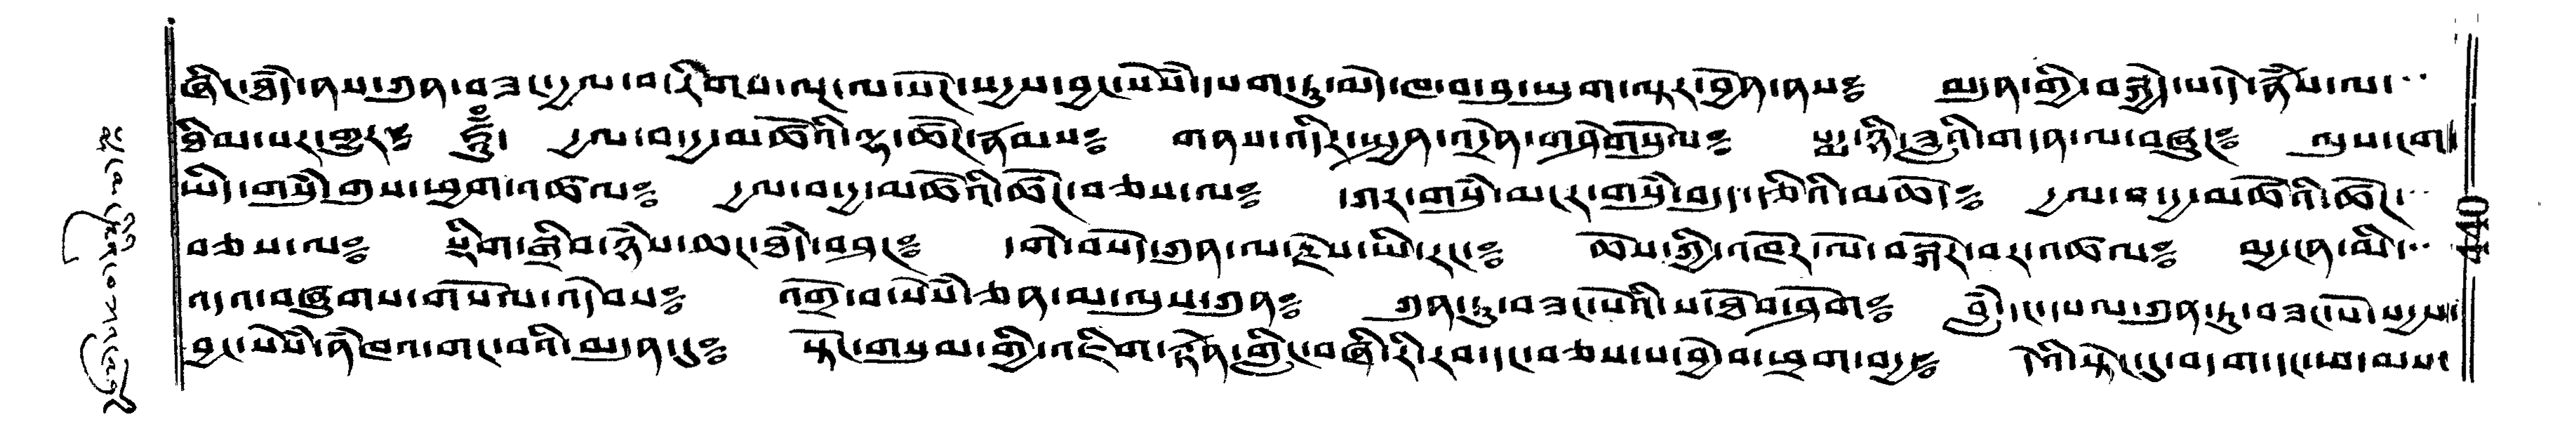ཞིང་ཐམས་ཅད་ནས་ཀུན་བཟང་རྒྱལ་བ་རིགས་ལྔ་ལ་སོགས་སངས་རྒྱས་བྱང་སེམས་དཔག་ཏུ་མེད་ཁ་བ་བུ་ཡུག་ལྟར་བྱོན་ནས༔ མདུན་གྱི་བསྐྱེད་པ་དེ་རྣམས་ལ་
ཐིམ་པར་གྱུར༔ ཧཱུྃ༔ རྒྱལ་བ་རྒྱ་མཚོའི་ལྷ་ཚོགས་རྣམས༔ གནས་འདིར་སྤྱན་འདྲེན་གཤེགས་སུ་གསོལ༔ པདྨ་ཉི་ཟླའི་གདན་ལ་བཞུགས༔ ལུས་ངག་
ཡིད་གསུམ་གུས་ཕྱག་འཚལ༔ རྒྱལ་བ་རྒྱ་མཚོའི་ཚོགས་བཅས་ལ༔ དཀར་གསུམ་མང་ར་གསུམ་བདུད་རྩིས་མཆོད༔ རྒྱལ་བ་རྒྱ་མཚོའི་ཚོགས་
བཅས་ལ༔ སྡིག་སྒྲིབ་ཉམས་ཆག་ཐམས་ཅད་བཤགས༔ དགེ་བསོད་ཀུན་ལ་རྗེས་ཡི་རང༔ ཆོས་ཀྱི་འཁོར་ལོ་བསྐོར་བར་འཚལ༔ མྱ་ངན་མི་
འདའ་བཞུགས་གསོལ་འདེབས༔ འགྲོ་བ་སེམས་ཅན་མ་ལུས་ཀུན༔ ཀུན་ཏུ་བཟང་པོའི་ས་ཐོབ་ཤོག༔ བླ་མ་དང་དཔལ་ཀུན་ཏུ་བཟང་པོ་སངས་རྒྱས་
བྱང་སེམས་ནམ་མཁའ་གང་བའི་མདུན་དུ༔ སྟོང་གསུམ་གྱི་འཇིག་རྟེན་གླིང་བཞི་རི་རབ་དང་བཅས་པ་བྱེ་བ་ཕྲག་བརྒྱ༔ དེའི་སྟེང་དུ་བདག་དང་ཕ་མས་